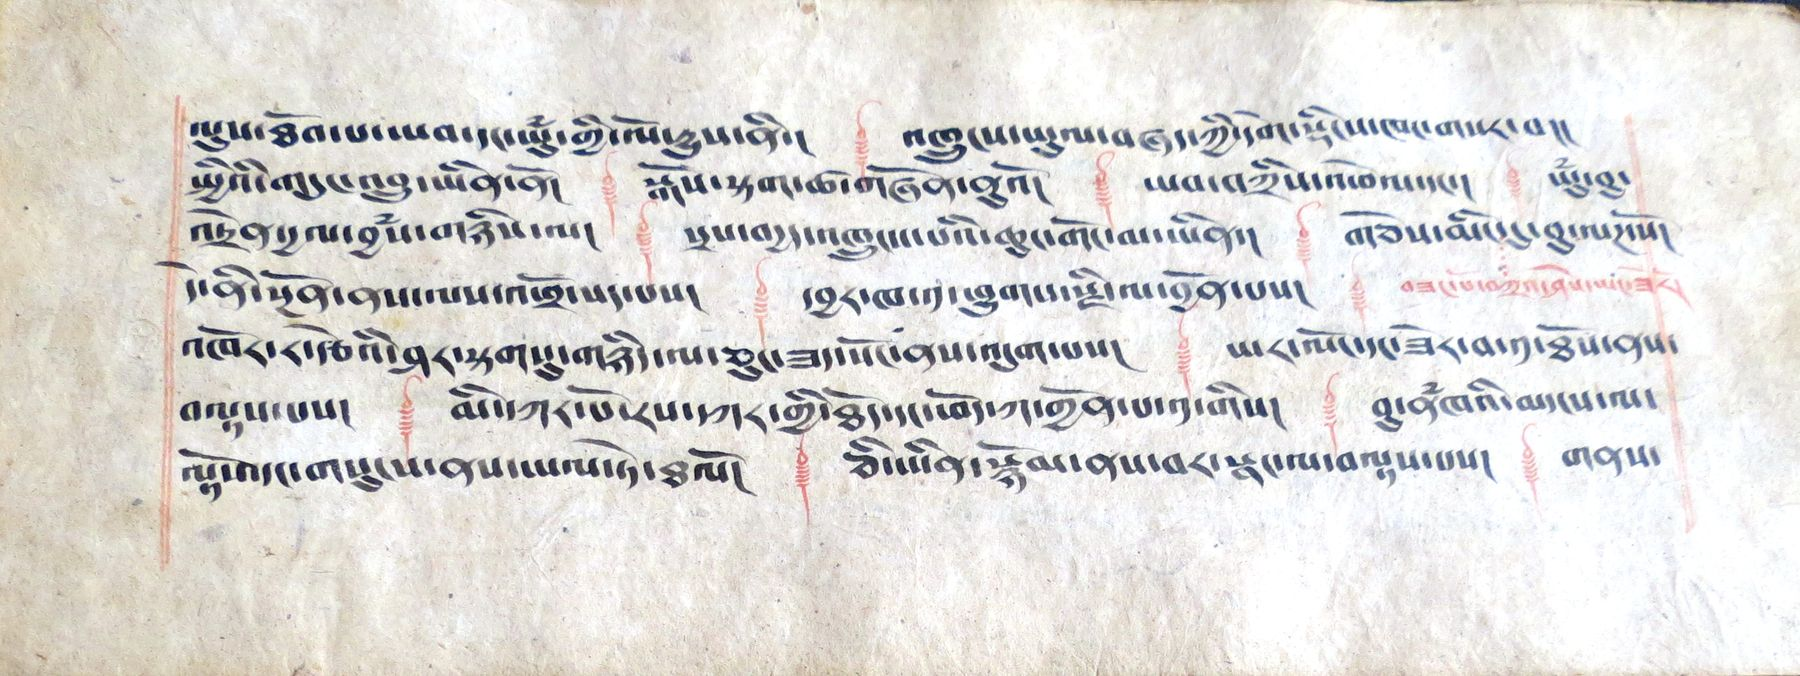ལུས་ཐོབ་པ་ཡབ་དང་ཡུམ་གྱི་ལོ་རྒྱུས་ནི། འཁྲུངས་ཡུལ་བཞད་ཀྱི་དགེ་སྡིངས་ཁང་གསར་བ། 
སྤྱིའི་གདུང་འགྲུ་ཡིན་ནོ། ། སྒོས་སྟག་ཚ་གཞོན་ནུའོ། ། ཡབ་བཀྲ་ཤིས་འཕེལ་དང་། ཡུམ་བུ་
འདྲེན་རྒྱལ་བྱམས་གཉིས་ལ། སྲས་བརྒྱད་འཁྲུངས་པའི་ཆུང་གོང་མ་ཡིན། གཅེས་མིང་དུ་བུ་ལགས་སོ། 
༼བཟང་པོ་བཀྲ་ཤིས་ཡང་ཟེར། མཆན༽ དེ་ནི་སྔོན་ནས་ལས་འཕྲོ་སད་པས། དབྱར་ཁ་ཅིག་ཕྱུགས་རྫི་ལ་བྱོན་པས། 
འཁོར་ར་རྩེའི་ཤར་སྟགས་སུ་གཉིད་ལ་ཅུང་ཟད་སོང་ནས་འདུག་པས། ཡར་ལོངས་དང་ཟེར་བ་ཅིག་ཐོས་ནས་
བལྟས་པས། མི་དཀར་པོ་རས་དཀར་གྱི་ཐོད་དང་ཕོད་ཀ་གྱོན་པ་ཅིག་གིས། བུ་ནམ་མཁའི་མདངས་ལ་
ལྟོས་དང་གསུངས་ནས་ཡལ་ཏེ་ཐལ་ལོ། ། ཅི་ཡིན་སྙམ་ནས་བར་སྣང་ལ་བལྟས་པས། གནས་